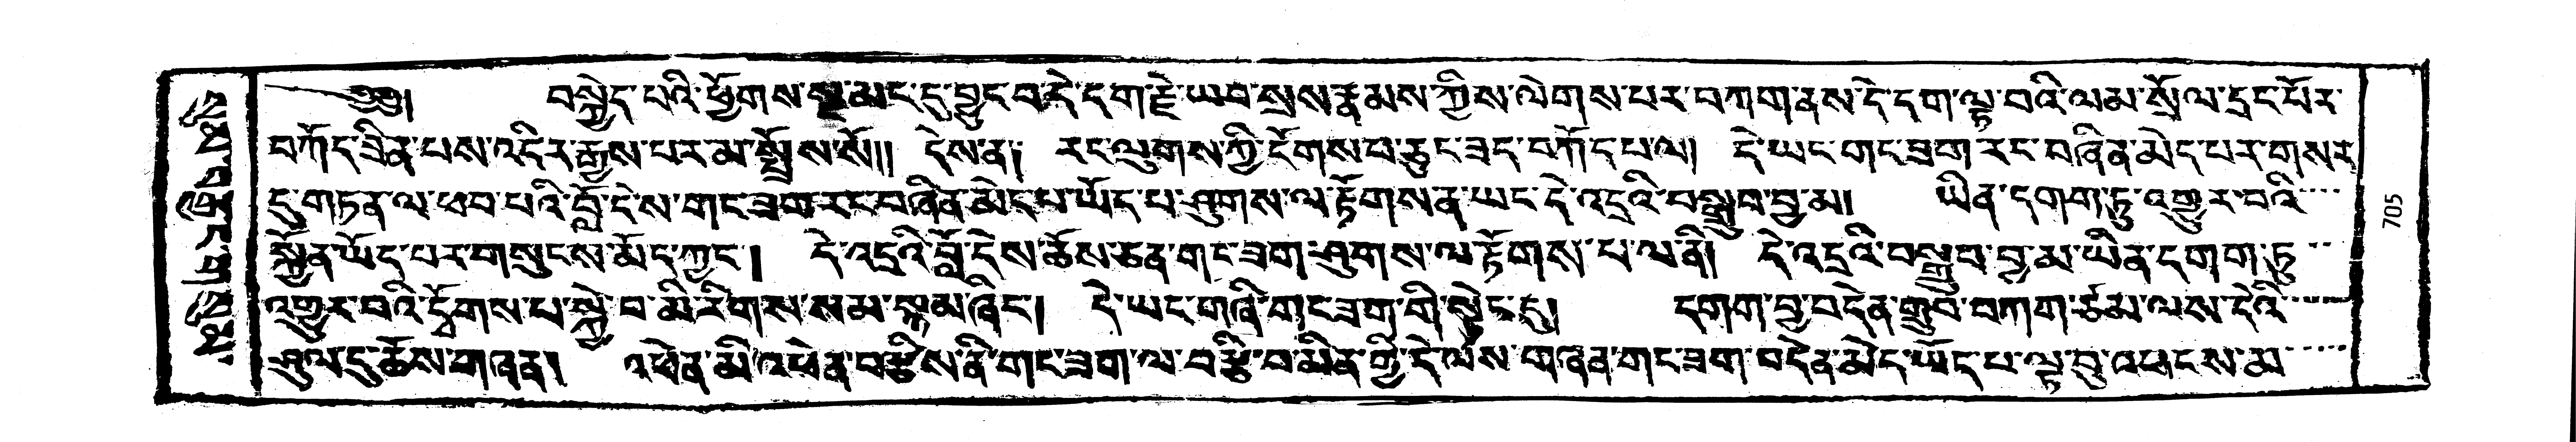༄༅། །བསྐྱེད་པའི་ཕྱོགས་སྔ་མང་དུ་བྱུང་བ་དེ་དག་རྗེ་ཡབ་སྲས་རྣམས་ཀྱིས་ལེགས་པར་བཀག་ནས་དེ་དག་ལྟ་བའི་ལམ་སྲོལ་དྲང་པོར་
བཀོད་ཟིན་པས་འདིར་རྒྱས་པར་མ་སྤྲོས་སོ། །དེས་ན། རང་ལུགས་ཀྱི་དོགས་པ་ཅུང་ཟད་བཀོད་པ་ལ། དེ་ཡང་གང་ཟག་རང་བཞིན་མེད་པར་གསར་
དུ་གཏན་ལ་ཕབ་པའི་བློ་དེས་གང་ཟག་རང་བཞིན་མེད་པ་ཡོད་པ་ཤུགས་ལ་རྟོགས་ན་ཡང་དེ་འདྲའི་བསྒྲུབ་བྱ་མ། ཡིན་དགག་ཏུ་འགྱུར་བའི་
སྐྱོན་ཡོད་པར་གསུངས་མོད་ཀྱང་། དེ་འདྲའི་བློ་དེས་ཆོས་ཅན་གང་ཟག་ཤུགས་ལ་རྟོགས་པ་ལ་ནི། དེ་འདྲའི་བསྒྲུབ་བྱ་མ་ཡིན་དགག་ཏུ་འགྱུར་བའི་དྭོགས་པ་སྐྱེ་བ་མི་རིགས་སམ་སྙམ་ཞིང་། དེ་ཡང་གཞི་གང་ཟག་གི་སྟེང་དུ། དགག་བྱ་བདེན་གྲུབ་བཀག་ཙམ་ལས་དེའི་
ཤུལ་དུ་ཆོས་གཞན། འཕེན་མི་འཕེན་བརྩིས་ནི་གང་ཟག་ལ་བརྩི་བ་མིན་གྱི་དེ་ལས་གཞན་གང་ཟག་བདེན་མེད་ཡོད་པ་ལྟ་བུ་འཕངས་མ་